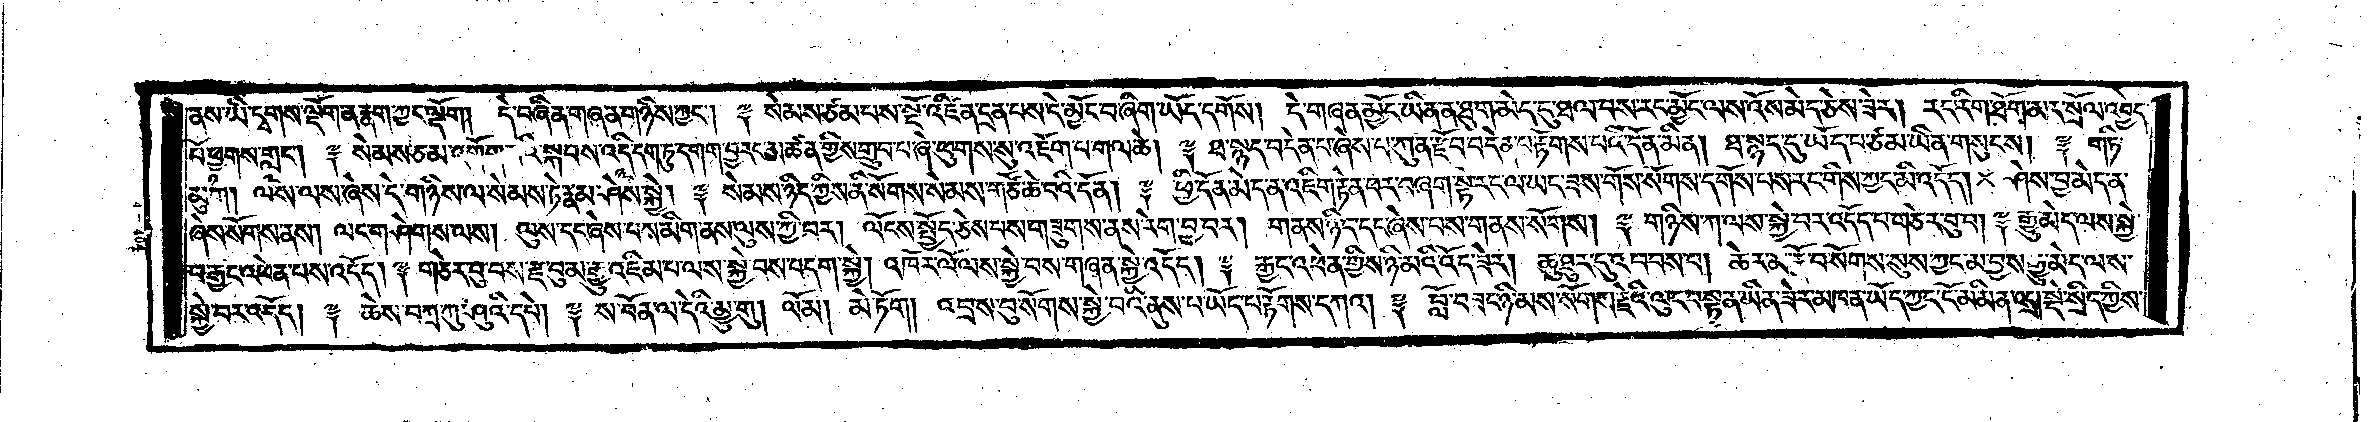ནས་ཡི་དྭགས་ལྡོག་ན་རྣག་ཀྱང་ལྡོག། དེ་བཞིན་གཞན་གཉིས་ཀྱང་། ༈ སེམས་ཙམ་པས་སྔོ་འཛིན་དྲན་པས་དེ་མྱོང་བ་ཞིག་ཡོད་དགོས། དེ་གཞན་མྱོང་ཡིན་ན་ཐུག་མེད་དུ་ཐལ་བས་རང་མྱོང་ལས་འོས་མེད་ཅེས་ཟེར། རང་རིག་ཐོག་མར་སྲོལ་འབྱེད་
པོ་ཕྱགས་གླང་། ༈ སེམས་ཅམ་འགོག་པའི་སྐབས་འདི་དག་ཏུ་དགག་བྱ་རང་མཚན་གྱིས་གྲུབ་པ་ཞེ་ཕུགས་སུ་འཇོག་པ་གལ་ཆེ། ༈ ཐ་སྙད་བདེན་པ་ཞེས་པ་ཀུན་རྫོབ་བདེན་པ་རྟོགས་པའི་དོན་མིན། ཐ་སྙད་དུ་ཡོད་པ་ཙམ་ཡིན་གསུངས། ༈ གཏི་
མུག། ལས་ལས་ཞེས་དེ་གཉིས་ལ་སེམས་ཏེ་རྣམ་ཤེས་སྐྱེ། ༈ སེམས་ཉིད་ཀྱིས་ནི་སོགས་སེམས་གཙོ་ཆེ་བའི་དོན། ༈ ཕྱི་དོན་མེད་ན་འཇིག་རྟེན་ཕར་བཞག་སྟ་རང་ལ་ཡང་ཟས་གོས་སོགས་དགོས་པས་རང་གིས་ཀྱང་མི་འདོད། ྾་ཤེས་བྱ་མེད་ན་
ཞེས་སོགས་ནས། ལང་གཤེགས་ལས། ལུས་དང་ཞེས་པས་མིག་ནས་ལུས་ཀྱི་བར། ལོངས་སྤྱོད་ཅེས་པས་གཟུགས་ནས་རེག་བྱ་བར། གནས་ཉིད་དང་ཞེས་པས་གནས་སོགས། ༈ གཉིས་ཀ་ལས་སྐྱེ་བར་འདོད་པ་གཅེར་བུ་བ། ༈ རྒྱུ་མེད་ལས་སྐྱེ་
བརྒྱང་འཕེན་པས་འདོད། ༈ གཅེར་བུ་བས་རྫ་བུམ་རྒྱུ་འཇིམ་པ་ལས་སྐྱེ་བས་བདག་སྐྱེ། འཁོར་ལོ་ལས་སྐྱེ་བས་གཞན་སྐྱེ་འདོད། ༈ རྒྱང་འཕེན་གྱིས་ཉི་མའི་འོད་ཟེར། ཆུ་ཐུར་དུ་འབབས་པ། ཆེར་མོ་རྣོ་བ་སོགས་སུས་ཀྱང་མ་བྱས་རྒྱུ་མེད་ལས་
སྐྱེ་བར་འདོད། ༈ ཆེས་བཀྲ་ཀུ་ཤུའི་དཔེ། ༈ ས་བོན་ལ་དེའི་མྱུ་གུ། ལོམ། མེ་ཏོག། འབྲས་བུ་སོགས་སྐྱེ་བའི་ནུས་པ་ཡོད་པ་རྟོགས་དཀའ། ༈ བློ་བཟང་ཉི་མས་སོགས་རྗེའི་ལུང་བསྟན་ཡིན་ཟེར་མཁན་ཡོད་ཀྱང་ངོ་མ་མིན་འདྲ། སྡེ་སྲིད་ཀྱིས་